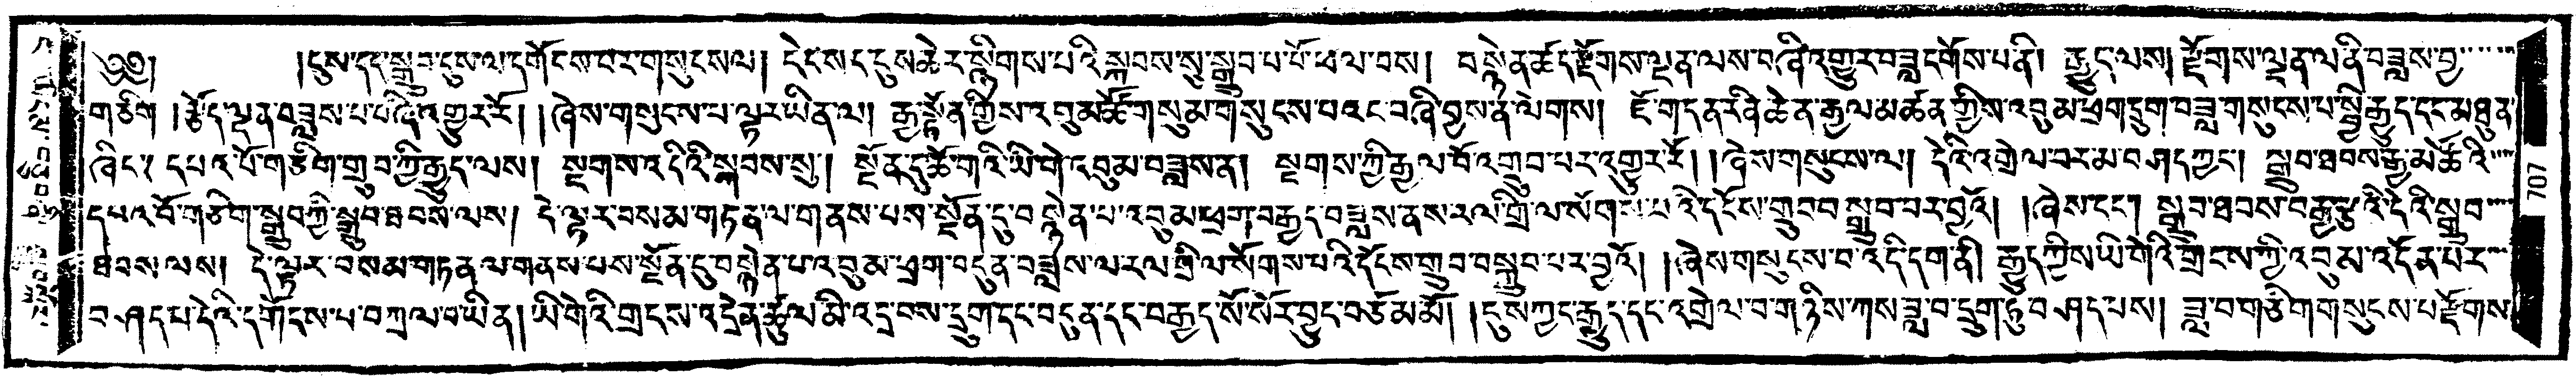༄༅། །དུས་དད་སྒྲུབ་དུས་ལ་དགོངས་བར་གསུངས་ལ། དེར་སང་དུས་ཆེར་སྙིགས་པའི་སྐབས་སུ་སྒྲུབ་པ་པོ་ཕལ་བས། བསྙེན་ཚད་རྫོགས་ལྡན་ལས་བཞི་འགྱུར་བཟླ་དགོས་པ་ནི། རྒྱུད་ལས། རྫོགས་ལྡན་ལ་ནི་བཟླས་བྱ་
གཅིག །རྩོད་ལྡན་བཟླས་པ་བཞི་འགྱུར་རོ། །ཞེས་གསུངས་པ་ལྟར་ཡིན་ལ། རྒྱ་སྟོན་གྱིས་འབུམ་ཚོ་གསུམ་གསུངས་བའང་བཞི་བྱས་ན་ལེགས། ཇོ་གདན་རིན་ཆེན་རྒྱལ་མཚན་གྱིས་འབུམ་ཕྲག་དྲུག་བཟླ་གསུངས་པ་སྦྱི་རྒྱུད་དང་མཐུན་
ཞིང༑ དཔའ་པོ་གཅིག་གྲུབ་ཀྱི་རྒྱུད་ལས། སྔགས་འདིའི་སྐབས་སུ། སྔོན་དུ་ཆོ་གའི་ཡི་གེ་འབུམ་བཟླས་ན། སྔགས་ཀྱི་རྒྱལ་བོ་འགྲུབ་པར་འགྱུར་རོ། །ཞེས་གསུངས་ལ། དེའི་འགྲེལ་བར་མ་བཤད་ཀྱང་། སྒྲུབ་ཐབས་རྒྱ་མཚོའི་
དཔའ་བོ་གཅིག་སྒྲུབ་ཀྱི་སྒྲུབ་ཐབས་ལས། དེ་ལྟར་བསམ་གཏན་ལ་གནས་པས་སྔོན་དུ་བསྙེན་པ་འབུམ་ཕྲག་བརྒྱད་བཟླས་ནས་རལ་གྲི་ལ་སོགས་པའི་དངོས་གྲུབ་བསྒྲུབ་པར་བྱའོ། །ཞེས་དང་། སྒྲུབ་ཐབས་བརྒྱ་རྩའི་དེའི་སྒྲུབ་
ཐབས་ལས། དེ་ལྟར་བསམ་གཏན་ལ་གནས་པས་སྔོན་དུ་བསྙེན་པ་འབུམ་ཕྲག་བདུན་བཟླས་ལ་རལ་གྲིལ་སོགས་པའི་དངོས་གྲུབ་བསྒྲུབ་པར་བྱའོ། །ཞེས་གསུངས་བ་འདི་དག་ནི། རྒྱུད་ཀྱིས་ཡི་གེའི་གྲངས་ཀྱི་འབུམ་འདོན་པར་
བཤད་པ་དེའི་དགོངས་པ་བརྐལ་བ་ཡིན། ཡི་གེའི་གྲངས་འདྲེན་ཚུལ་མི་འདྲ་བས་དྲུག་དང་བདུན་དང་བརྒྱད་སོ་སོར་བྱུང་བཙམ་མོ། །དུས་ཀྱང་རྒྱུད་དང་འགྲེལ་བ་གཉིས་ཀས་ཟླ་བ་དྲུག་ཏུ་བཤད་པས། ཟླ་བ་གཅིག་གསུངས་པ་རྫོགས་